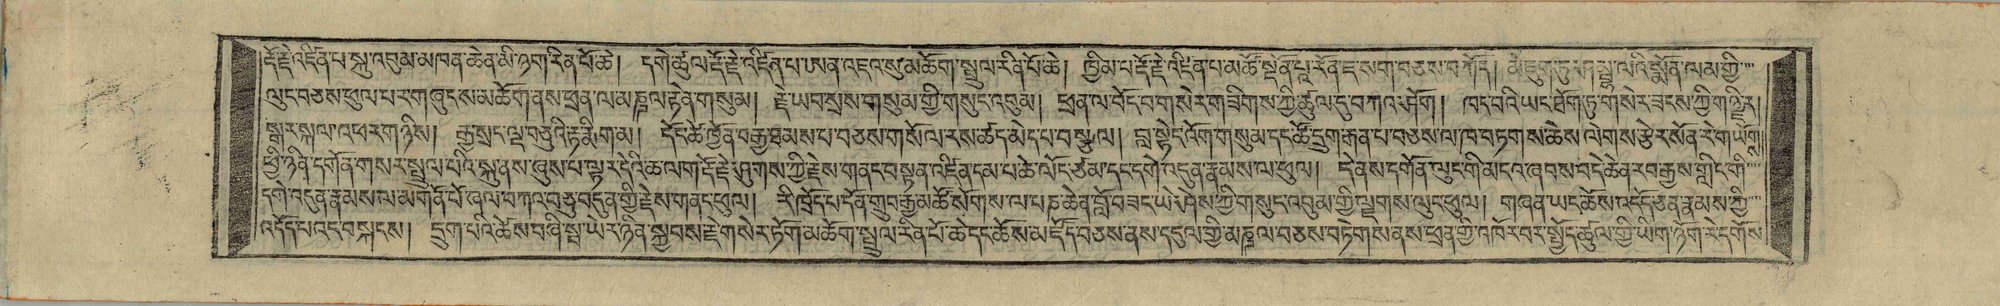རྡོ་རྗེ་འཛིན་པ་སྐུ་འབུམ་མཁན་ཆེན་མི་ཉག་རིན་པོ་ཆེ། དགེ་ཚུལ་རྡོ་རྗེ་འཛིན་པ་ཨན་འཇའ་སུ་མཆོག་སྤྲུལ་རིན་པོ་ཆེ། ཁྱིམ་པ་རྡོ་རྗེ་འཛིན་པ་མཚོ་སྔོན་པཱ་རོན་ཇ་སག་བཅས་བཀོད། མཇུག་ཏུ་ཤམྦྷ་ལའི་སྨོན་ལམ་གྱི་
ལུང་བཅས་ཕུལ་པར་གཞུངས་མཆོག་ནས་ཕྲན་ལ་མཎྜལ་རྟེན་གསུམ། རྗེ་ཡབ་སྲས་གསུམ་གྱི་གསུང་འབུམ། ཕྲན་ལ་བོང་བ་གསེར་གཟིགས་ཀྱི་ཚུལ་དུ་བཀའ་ཤོག །ཁང་པའི་ཡང་ཐོག་ཏུ་གསེར་ཟངས་ཀྱི་གཉྫིར།
སྒར་སྐལ་འཕར་གཉིས། རྒྱ་སྲང་ལྔ་བཅུའི་རྟ་རྨིག་མ། དོང་ཚེ་ཁྱོན་བརྒྱ་ཐམས་པ་བཅས་གསོལ་རས་ཚད་མེད་པ་བསྩལ། བླ་སྟེང་འོག་གསུམ་དང་ཚོ་དྲུག་རྒན་པ་བཅས་ལ་ཁ་བཏགས་ཆེས་ལེགས་རྩེར་སོན་རེ་གཡོགས།
ཕྱི་ཉིན་དགོན་གསར་སྤྲུལ་པའི་སྐུ་ནས་ཞུས་པ་ལྟར་དེའི་ཆ་ལག་རྡོ་རྗེ་ཤུགས་ཀྱི་རྗེས་གནང་བསྟན་འཛིན་དམ་པ་ཆེ་ལོང་ཙམ་དང་དགེ་འདུན་རྣམས་ལ་ཕུལ། དེ་ནས་དགོན་ལུང་གི་མངའ་ཞབས་བདེ་ཆེན་རབ་རྒྱས་གླིང་གི་
དགེ་འདུན་རྣམས་ལ་མགོན་པོ་ཞལ་བཀའ་བཅུ་བདུན་གྱི་རྗེས་གནང་ཕུལ། རི་ཁྲོད་པ་དོན་གྲུབ་རྒྱ་མཚོ་སོགས་ལ་པཎ་ཆེན་བློ་བཟང་ཡེ་ཤེས་ཀྱི་གསུང་འབུམ་གྱི་ལྗགས་ལུང་ཕུལ། གཞན་ཡང་ཆོས་འདོད་ཅན་རྣམས་ཀྱི་
འདོད་པའང་བསྐངས། དྲུག་པའི་ཚེས་བཞི་སྦ་ཡེར་ཉིན་སྐབས་རྗེ་གསེར་ཏོག་མཆོག་སྤྲུལ་རིན་པོ་ཆེ་དང་ཆོས་མཛོད་བཅས་ནས་དངུལ་གྱི་མཎྜལ་བཅས་བཏེགས་ནས་ཕྲན་གྱི་འཁོར་བར་སྤྱོད་ཚུལ་གྱི་ཡིག་ཉོག་རེ་དགོས་